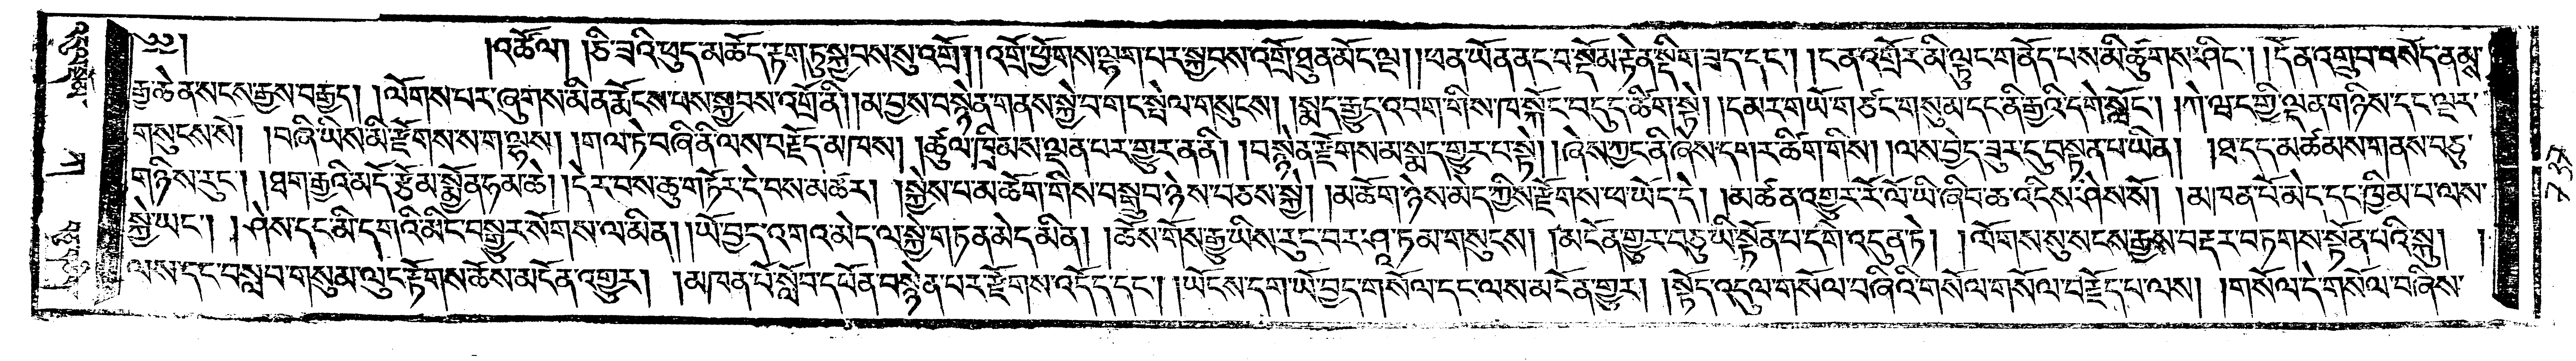༄༅། །འཚོལ། །ཅི་ཟའི་ཕུད་མཆོད་རྟག་ཏུ་སྐྱབས་སུ་འགྲོ། །འགྲོ་ཕྱོགས་ལྷག་པར་སྐྱབས་འགྲོ་ཐུན་མོང་ལྔ། །ཕན་ཡོན་ནང་བ་སྡོམ་རྟེན་སྡིག་ཟད་དང་། །ངན་འགྲོར་མི་ལྟུང་གནོད་པས་མི་ཚུགས་ཤིང་། །དོན་འགྲུབ་བསོད་ནམས་
རྒྱ་ཆེན་སངས་རྒྱས་བརྒྱད། །ལོགས་པར་ཞུགས་མིན་རྨོངས་པས་སྐྱབས་འགྲོ་ནི། །མ་བྱས་བསྙེན་གནས་སྐྱེ་བ་གང་སྤེལ་གསུངས། །སྨད་རྒྱུད་འབག་གིས་ཁ་སྐོང་བདུད་ཚིག་སྟེ། །དམར་གཡོ་གཙང་གསུམ་དང་ནི་རྒྱའི་དགེ་སློང་། །ཀེ་ཝང་གྱི་ལྡན་གཉིས་དང་ལྔར་
གསུངས་སོ། །བཞི་ཡིས་མི་རྫོགས་ས་ག་ལྷས། །གལ་ཏེ་བཞི་ནི་ལས་བརྗོད་མཁས། །ཚུལ་ཁྲིམས་ལྡན་པར་གྱུར་ན་ནི། །བསྙེན་རྫོགས་མ་སྨད་གྱུར་པ་སྟེ། །ཞེས་ཀྱང་ནི་ཞེས་དགར་ཚིག་གིས། །ལས་བྱེད་ཟུར་དུ་བསྟན་པ་ཡིན། །ཐ་དད་མཚམས་གནས་བཅུ་
གཉིས་རུང་། །ཐག་རྒྱའི་མོད་རྩོམ་སྨྱོན་ཧམ་ཆེ། །དེར་བས་ཆུ་གཏོར་དེ་བས་མཚར། །སྐྱེས་པ་མཆོག་གིས་བསྒྲུབ་ཉེས་བཅས་སྐྱེ། །མཆོག་ཉིས་མེད་ཀྱིས་རྫོགས་ཕ་ཡོད་དེ། །མཚན་འགྱུར་རོ་ལོ་ཡི་ཞིབ་ཆ་འདིས་ཤེས་སོ། །མཁན་པོ་མེད་དང་ཁྱིམ་པ་ལས་
སྐྱེ་ཡང་། །ཤེས་དང་མི་དགའི་མིང་བསྒྱུར་སོགས་ལ་མིན། །ཡོ་བྱད་འགའ་མེད་ལ་སྐྱེ་གཏན་མེད་མིན། །ཆོས་གོས་རྒྱུ་ཡིས་རུང་བར་ཤཱཏམ་གསུངས། །མངོན་གྱུར་བཅུ་ཡི་སྟོན་པ་དགེ་འདུན་ཏེ། །ལོགས་སུ་སངས་རྒྱས་བརྡར་བཏགས་སྟོན་པའི་སྐུ། །
ལས་དང་བསླབ་གསུམ་ལུང་རྟོགས་ཆོས་མདོན་འགྱུར། །མཁན་པོ་སློབ་དཔོན་བསྙེན་པར་རྫོགས་འདོད་དང་། །ཡོངས་དག་ཡོ་བྱད་གསོལ་དང་ལས་མངོན་གྱུར། །སྟོད་འདུལ་གསོལ་བཞིའི་གསོལ་གསོལ་བརྗོད་པ་ལས། །གསོལ་དེ་གསོལ་བཞིས་